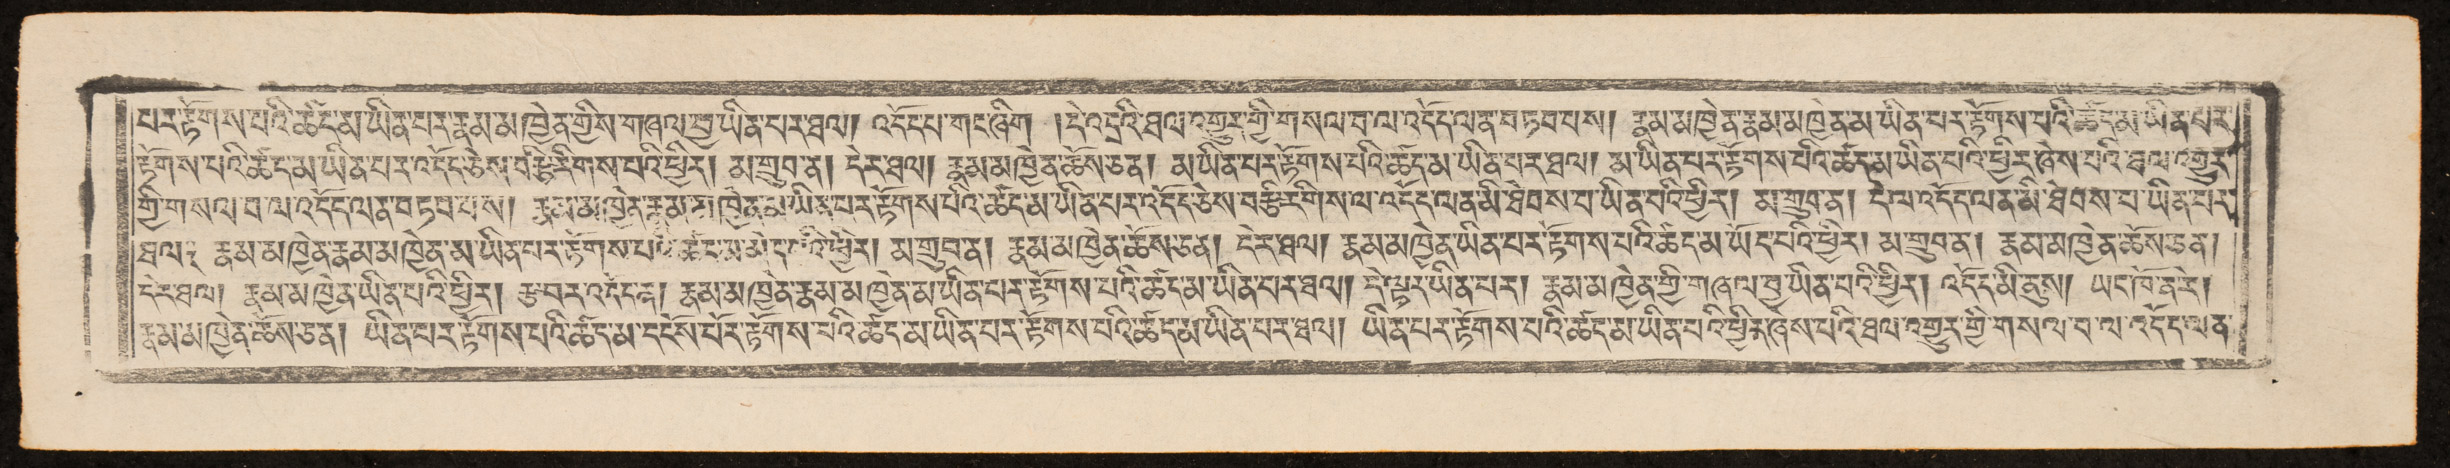པར་རྟོགས་པའི་ཚད་མ་ཡིན་པར་རྣམ་མཁྱེན་གྱིས་གཞལ་བྱ་ཡིན་པར་ཐལ། འདོད་པ་གང་ཞིག །དེ་འདྲའི་ཐལ་འགྱུར་གྱི་གསལ་བ་ལ་འདོད་ལན་བཏབ་པས། རྣམ་མཁྱེན་རྣམ་མཁྱེན་མ་ཡིན་པར་རྟོགས་པའི་ཚད་མ་ཡིན་པར་
རྟོགས་པའི་ཚད་མ་ཡིན་པར་འདོད་ཅེས་བརྩི་རིགས་པའི་ཕྱིར། མ་གྲུབ་ན། དེར་ཐལ། རྣམ་མཁྱེན་ཆོས་ཅན། མ་ཡིན་པར་རྟོགས་པའི་ཚད་མ་ཡིན་པར་ཐལ། མ་ཡིན་པར་རྟོགས་པའི་ཚད་མ་ཡིན་པའི་ཕྱིར་ཞེས་པའི་ཐལ་འགྱུར་
གྱི་གསལ་བ་ལ་འདོད་ལན་བཏབ་པས། རྣམ་མཁྱེན་རྣམ་མཁྱེན་མ་ཡིན་པར་རྟོགས་པའི་ཚད་མ་ཡིན་པར་འདོད་ཅེས་བརྩི་རིགས་ལ་འདོད་ལན་མི་ཐེབས་པ་ཡིན་པའི་ཕྱིར། མ་གྲུབ་ན། དེ་ལ་འདོད་ལན་མི་ཐེབས་པ་ཡིན་པར་
ཐལ། རྣམ་མཁྱེན་རྣམ་མཁྱེན་མ་ཡིན་པར་རྟོགས་པའི་ཚད་མ་མེད་པའི་ཕྱིར། མ་གྲུབ་ན། རྣམ་མཁྱེན་ཆོས་ཅན། དེར་ཐལ། རྣམ་མཁྱེན་ཡིན་པར་རྟོགས་པའི་ཚད་མ་ཡོད་པའི་ཕྱིར། མ་གྲུབ་ན། རྣམ་མཁྱེན་ཆོས་ཅན།
དེར་ཐལ། རྣམ་མཁྱེན་ཡིན་པའི་ཕྱིར། རྩ་བར་འདོད་ན། རྣམ་མཁྱེན་རྣམ་མཁྱེན་མ་ཡིན་པར་རྟོགས་པའི་ཚད་མ་ཡིན་པར་ཐལ། དེ་ལྟར་ཡིན་པར། རྣམ་མཁྱེན་གྱི་གཞལ་བྱ་ཡིན་པའི་ཕྱིར། འདོད་མི་ནུས། ཡང་ཁོ་ན་རེ།
རྣམ་མཁྱེན་ཆོས་ཅན། ཡིན་པར་རྟོགས་པའི་ཚད་མ་དངོས་པོར་རྟོགས་པའི་ཚད་མ་ཡིན་པར་རྟོགས་པའི་ཚད་མ་ཡིན་པར་ཐལ། ཡིན་པར་རྟོགས་པའི་ཚད་མ་ཡིན་པའི་ཕྱིར་ཞེས་པའི་ཐལ་འགྱུར་གྱི་གསལ་བ་ལ་འདོད་ལ་